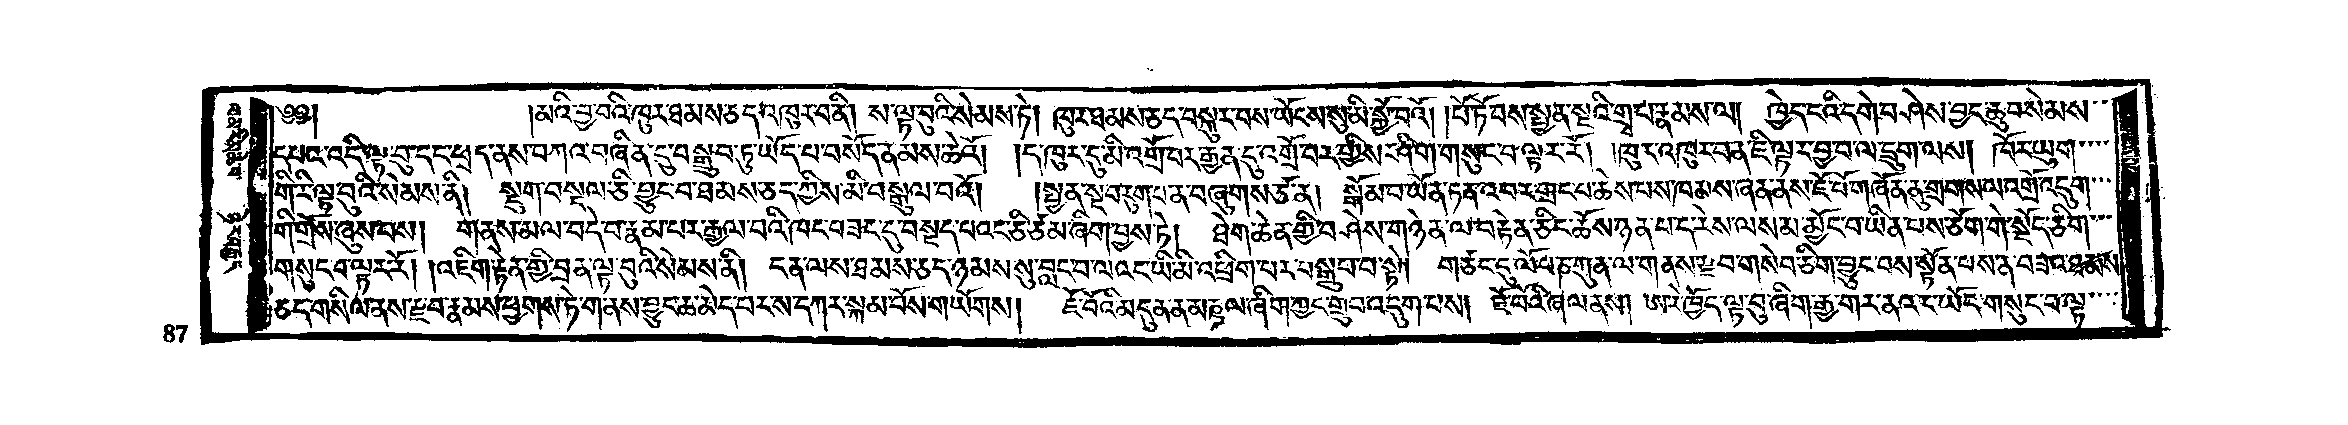༄༅། །མའི་བྱ་བའི་ཁུར་ཐམས་ཅད་འཁུར་བ་ནི། ས་ལྟ་བུའི་སེམས་ཏེ། ཁུར་ཐམས་ཅད་བསྐུར་བས་ཡོངས་སུ་མི་སྐྱོ་བའོ། །པོ་ཏོ་བས་སྤྱན་སྔའི་གྲྭ་པ་རྣམས་ལ། ཁྱེད་ངའི་དགེ་བཤེས་བྱང་ཆུབ་སེམས་
དཔའ་འདི་ལྟ་བུ་དང་ཕྲད་ནས་བཀའ་བཞིན་དུ་བསྒྲུབ་ཏུ་ཡོད་པ་བསོད་ནམས་ཆེའོ། །ད་ཁུར་དུ་མི་འགྲོ་བར་རྒྱན་དུ་འགྲོ་བར་གྱིས་ཤིག་གསུང་བ་ལྟར་རོ། །ཁུར་འཁུར་བ་ན་ཇི་ལྟར་བྱ་བ་ལ་དྲུག་ལས། ཁོར་ཡུག་
གི་རི་?་ལྟ་བུའི་སེམས་ནི། སྡུག་བསྔལ་ཅི་བྱུང་བ་ཐམས་ཅད་ཀྱིས་མི་བསྒུལ་བའོ། །སྤྱན་སྔ་བ་རུག་པ་ན་བཞུགས་ཙ་ན། སྒོམ་པ་ཡོན་ཏན་འབར་གྲང་བ་ཆེས་པས་ཁམས་ཞན་ནས་ཇོ་བོ་གཞོན་ནུ་གྲགས་ལ་འགྲོ་འདུག་
གི་གྲོས་ཞུས་པས། གནས་མལ་བདེ་བ་རྣམ་པར་རྒྱལ་བའི་ཁང་བཟང་དུ་བསྡད་པའང་ཅི་ཙམ་ཞིག་བྱས་ཏེ། ཐེག་ཆེན་གྱི་བཤེས་གཉེན་ལ་བརྟེན་ཅིང་ཆོས་ཉན་པ་ད་རེས་ལས་མ་མྱོང་བ་ཡིན་པས་ཅོག་གེ་སྡོད་ཅིག་
གསུང་བ་ལྟར་རོ། །འཇིག་རྟེན་གྱི་བྲན་ལྟ་བུའི་སེམས་ནི། ངན་ལས་ཐམས་ཅད་ཉམས་སུ་བླང་བ་ལའང་ཡི་མི་འཕྲིག་པར་བསྒྲུབ་པ་སྟེ། གཙང་དུ་ལོ་པཎ་ཀུན་ལ་གནས་རྫབ་གསེབ་ཅིག་བྱུང་བས་སྟོན་པས་ན་བཟའ་ཐམས་
ཅད་གསིལ་ནས་རྫབ་རྣམས་ཕྱགས་ཏེ་གནས་བྱུང་ཆ་མེད་པར་ས་དཀར་སྐམ་པོས་གཡོགས། ཇོ་བོའི་མདུན་ན་མཎྜལ་ཞིག་ཀྱང་གྲུབ་འདུག་པས། ཇོ་བོའི་ཞལ་ནས། ཨ་རེ་ཁྱོད་ལྟ་བུ་ཞིག་རྒྱ་གར་ནའང་ཡོད་གསུང་བ་ལྟ་